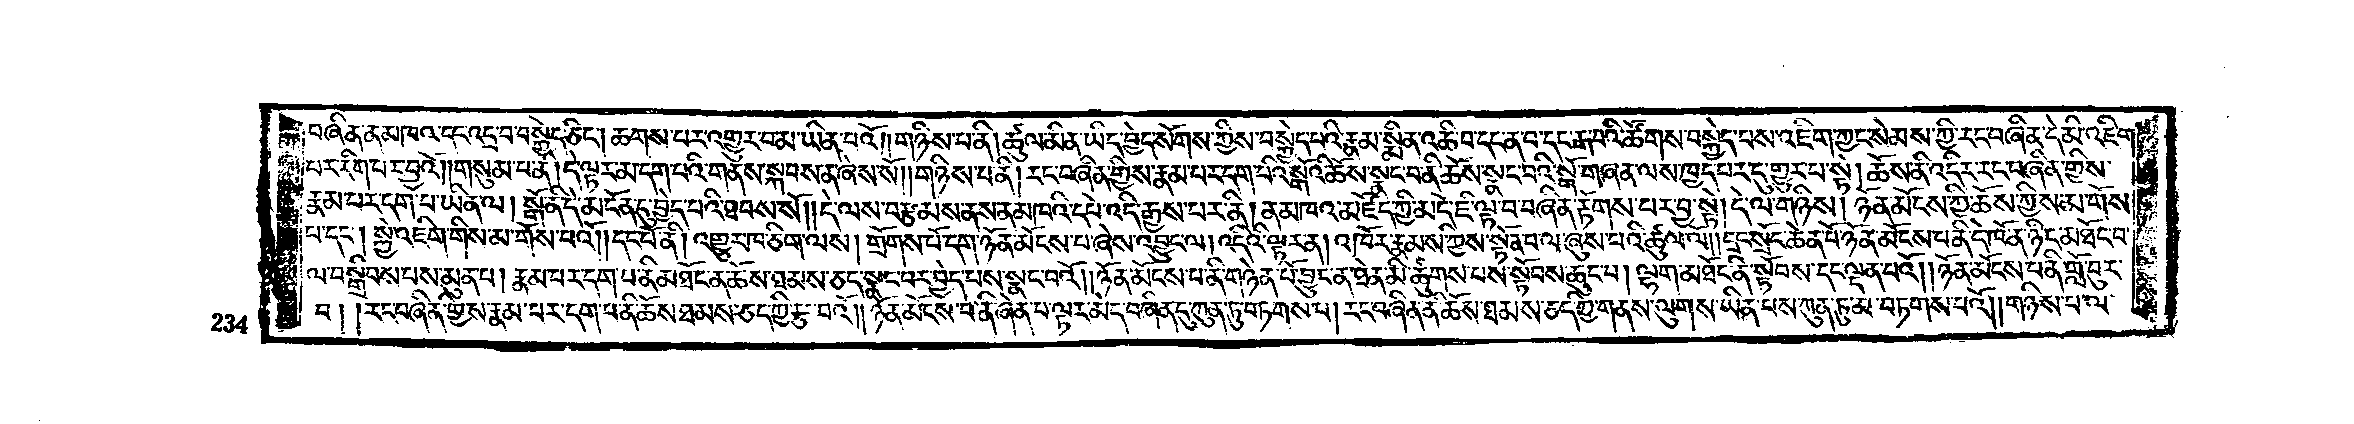བཞིན་ནམ་མཁའ་དང་འདྲ་བ་བསྐྱེད་ཅིང་། ཆགས་པར་འགྱུར་བ་མ་ཡིན་པའོ། །གཉིས་པ་ནི། ཚུལ་མིན་ཡིད་བྱེད་སོགས་ཀྱིས་བསྐྱེད་པའི་རྣམ་སྨིན་འཆི་བ་དང་ན་བ་དང་རྒ་བའི་ཚོགས་བསྐྱེད་པས་འཇིག་ཀྱང་སེམས་ཀྱི་རང་བཞིན་དེ་མི་འཇིག་
པར་རིག་པར་བྱའོ། །གསུམ་པ་ནི། དེ་ལྟར་མ་དག་པའི་གནས་སྐབས་ན་ཞེས་སོ། །གཉིས་པ་ནི། རང་བཞིན་གྱིས་རྣམ་པར་དག་པའི་སྒོའི་ཆོས་སྣང་བ་ནི་ཆོས་སྣང་བའི་སྒོ་གཞན་ལས་ཁྱད་པར་དུ་གྱུར་པ་སྟེ། ཆོས་ནི་འདིར་རང་བཞིན་གྱིས་
རྣམ་པར་དག་པ་ཡིན་ལ། སྒོ་ནི་དེ་མངོན་དུ་བྱེད་པའི་ཐབས་སོ། །དེ་ལས་བརྩམས་ནས་ནམ་མཁའི་དཔེ་འདི་རྒྱས་པར་ནི། ནམ་མཁའ་མཛོད་ཀྱི་མདོ་ཇི་ལྟ་བ་བཞིན་རྟོགས་པར་བྱ་སྟེ། དེ་ལ་གཉིས། ཉོན་མོངས་ཀྱི་ཆོས་ཀྱིས་མ་གོས་
པ་དང་། སྐྱེ་འཇིག་གིས་མ་གོས་པའོ། །དང་པོ་ནི། འགྱུར་ཁ་ཅིག་ལས། གྲོགས་པོ་དག་ཉོན་མོངས་པ་ཞེས་འབྱུང་ལ། འདིའི་ལྟར་ན། འཁོར་རྣམས་ཀྱིས་སྟོན་པ་ལ་ཞུས་པའི་ཚུལ་ལོ། །དྲང་སྲོང་ཆེན་པོ་ཉོན་མོངས་པ་ནི་དེ་ཁོ་ན་ཉིད་མཐོང་བ་
ལ་བསྒྲིབས་པས་མུན་པ། རྣམ་པར་དག་པ་ནི་མཐོང་ན་ཆོས་ཐམས་ཅད་སྣང་བར་བྱེད་པས་སྣང་བའོ། །ཉོན་མོངས་པ་ནི་གཉེན་པོ་བྱུང་ན་ཐེན་མི་ཚུགས་པས་སྟོབས་ཆུང་པ། ལྷག་མཐོང་ནི་སྟོབས་དང་ལྡན་པའོ། །ཉོན་མོངས་པ་ནི་གློ་བུར་
པ༑ ༑རང་བཞིན་གྱིས་རྣམ་པར་དག་པ་ནི་ཆོས་ཐམས་ཅད་ཀྱི་རྩ་བའོ། །ཉོན་མོངས་པ་ནི་ཞེན་པ་ལྟར་མེད་བཞིན་དུ་ཀུན་ཏུ་བཏགས་པ། རང་བཞིན་ནི་ཆོས་ཐམས་ཅད་ཀྱི་གནས་ལུགས་ཡིན་པས་ཀུན་ཏུ་མ་བཏགས་པའོ། །གཉིས་པ་ལ་